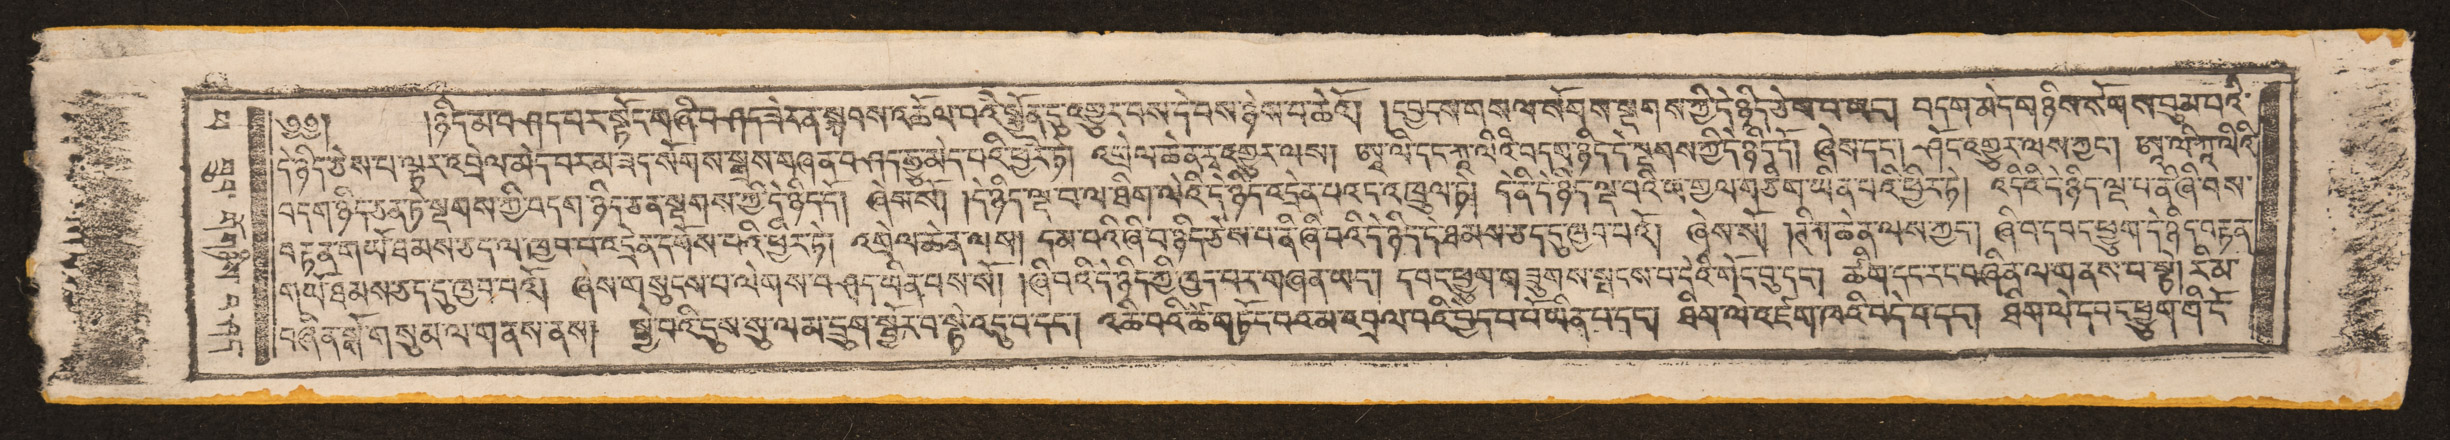༄༅། །ཉིད་མ་བཤད་པར་སྟོང་གཞི་བཤད་ཟེར་ན་སྐབས་འཆོལ་བའི་སྐྱོན་དུ་འགྱུར་བས་དེ་བས་ཉེས་པ་ཆེའོ། །དབྱངས་གསལ་སོགས་སྔགས་ཀྱི་དེ་ཉིད་ཅེས་པ་ཡང་། བདག་མེད་གཉིས་སོགས་བུམ་པའི་
དེ་ཉིད་ཅེས་པ་ལྟར་འབྲེལ་མེད་པར་མ་ཟད་སོགས་སྒྲས་གཞན་བཤད་རྒྱུ་མེད་པའི་ཕྱིར་ཏེ། འགྲེལ་ཆེན་རྭ་འགྱུར་ལས། ཨཱ་ལི་དང་ཀཱ་ལིའི་བདག་ཉིད་དེ་སྔགས་ཀྱི་དེ་ཉིད་དོ། ཞེས་དང་། ཤོང་འགྱུར་ལས་ཀྱང་། ཨཱ་ལི་ཀཱ་ལིའི་
བདག་ཉིད་ཅན་ཏེ་སྔགས་ཀྱི་བདག་ཉིད་ཅན་སྔགས་ཀྱི་དེ་ཉིད་དོ། ཞེས་སོ། །དེ་ཉིད་ལྔ་པ་ལ་ཐིག་ལེའི་དེ་ཉིད་འདྲེན་པ་འང་འཁྲུལ་ཏེ། དེ་ནི་དེ་ཉིད་ལྔ་པའི་ཡ་གྱལ་གཅིག་ཡིན་པའི་ཕྱིར་ཏེ། འདིའི་དེ་ཉིད་ལྔ་པ་ནི་ཞི་བས་
བརྟན་གཡོ་ཐམས་ཅད་ལ་ཁྱབ་པ་འདྲེན་དགོས་པའི་ཕྱིར་ཏེ། འགྲེལ་ཆེན་ལས། དམ་པའི་ཞི་བ་ཉིད་ཅེས་པ་ནི་ཞི་བའི་དེ་ཉིད་དེ་ཐམས་ཅད་དུ་ཁྱབ་པའོ། ཞེས་སོ། །ཊིཀ་ཆེན་ལས་ཀྱང་། ཞི་བ་དབང་ཕྱུག་དེ་ཉིད་བརྟན་
གཡོ་ཐམས་ཅད་དུ་ཁྱབ་བའོ། ཞེས་གསུངས་པ་ལེགས་བཤད་ཡིན་པས་སོ། །ཞི་བའི་དེ་ཉིད་ཀྱི་ཁྱད་པར་གཞན་ཡང་། དབང་ཕྱུག་གཟུགས་སྤངས་པ་དེའི་གོང་བུ་དང་། ཚིག་དང་རང་བཞིན་ལ་གནས་པ་སྟེ། རིམ་
བཞིན་སྒོ་གསུམ་ལ་གནས་ནས། སྐྱེ་བའི་དུས་སུ་ལམ་དྲུག་སྦྱོར་བ་སྟེ་འདུ་བ་དང་། འཆི་བའི་ཚེ་གཏོང་བ་འམ་འབྲལ་བའི་བྱེད་པ་པོ་ཡིན་པ་དང་། ཐིག་ལེ་འཛག་ཁའི་བདེ་བ་དང་། ཐིག་ལེ་དབང་ཕྱུག་གི་ངོ་